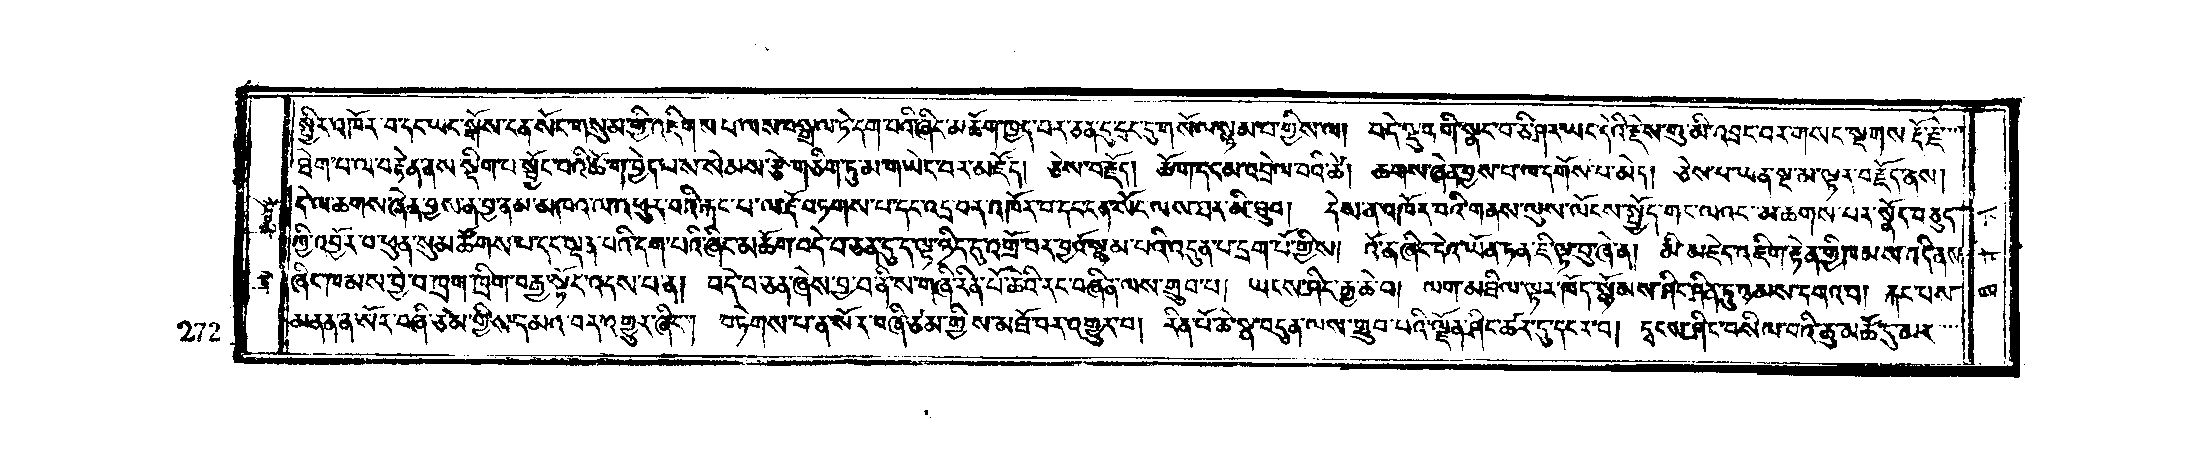སྤྱིར་འཁོར་བ་དང་ཡང་སྒོས་ངན་སོང་གསུམ་གྱི་འཇིགས་པ་ལས་བསྒྲལ་ཏེ་དག་པའི་ཞིང་མཆོག་ཁྱད་པར་ཅན་དུ་དྲང་དུ་གསོལ་སྙམ་བ་གྱིས་ལ། བདེ་སྡུག་གི་སྣང་བ་ཅི་ཤར་ཡང་དེའི་རྗེས་སུ་མི་འབྲང་བར་གསང་སྔགས་རྡོ་རྗེ་
ཐེག་པ་ལ་བརྟེན་ནས་སྡིག་པ་སྦྱོང་བའི་ཆོ་ག་བྱེད་པས་སེམས་རྩེ་གཅིག་ཏུ་མ་གཡེང་བར་མཛོད། ཅེས་བརྗོད། ཆོ་ག་དང་མ་འབྲེལ་བའི་ཚེ། ཆགས་ཞེན་བྱས་པ་ལ་དགོས་པ་མེད། ཅེས་པ་ཡན་སྔ་མ་ལྟར་བརྗོད་ནས།
དེ་ལ་ཆགས་ཞེན་བྱས་ན་བྱ་ནམ་མཁའ་ལ་འཕུར་བའི་རྐང་པ་ལ་རྡོ་བཏགས་པ་དང་འདྲ་བར་འཁོར་བ་དང་ངན་སོང་ལས་ཐར་མི་ཐུབ། དེས་ན་འཁོར་བའི་གནས་ལུས་ལོངས་སྤྱོད་གང་ལའང་མ་ཆགས་པར་སྣོད་བཅུད་
ཀྱི་འབྱོར་བ་ཕུན་སུམ་ཚོགས་པ་དང་ལྡན་པའི་དག་པའི་ཞིང་མཆོག་བདེ་བ་ཅན་དུ་ད་ལྟ་ཉིད་དུ་འགྲོ་བར་བྱའོ་སྙམ་པའི་འདུན་པ་དྲག་པོ་གྱིས། འོ་ན་ཞིང་དེའི་ཡོན་ཏན་ཇི་ལྟ་བུ་ཞེ་ན། མི་མཇེད་འཇིག་རྟེན་གྱི་ཁམས་འདི་ནས་
ཞིང་ཁམས་བྱེ་བ་ཁྲག་ཁྲིག་བརྒྱ་སྟོང་འདས་པ་ན། བདེ་བ་ཅན་ཞེས་བྱ་བ་ནི་ས་གཞི་རིན་པོ་ཆེའི་རང་བཞིན་ལས་གྲུབ་པ། ཡངས་ཤིང་རྒྱ་ཆེ་བ། ལག་མཐིལ་ལྟར་ཁོད་སྙོམས་ཤིང་ཤིན་ཏུ་ཉམས་དགའ་བ། རྐང་པས་
མནན་ན་སོར་བཞི་ཙམ་གྱིས་དམའ་བར་འགྱུར་ཞིང་། བཏེགས་པ་ན་སོར་བཞི་ཙམ་གྱིས་མཐོ་བར་འགྱུར་བ། རིན་པོ་ཆེ་སྣ་བདུན་ལས་གྲུབ་པའི་ལྗོན་ཤིང་ཚར་དུ་དངར་བ། དྭངས་ཤིང་བསིལ་བའི་ཆུ་མཚོ་དུ་མར་